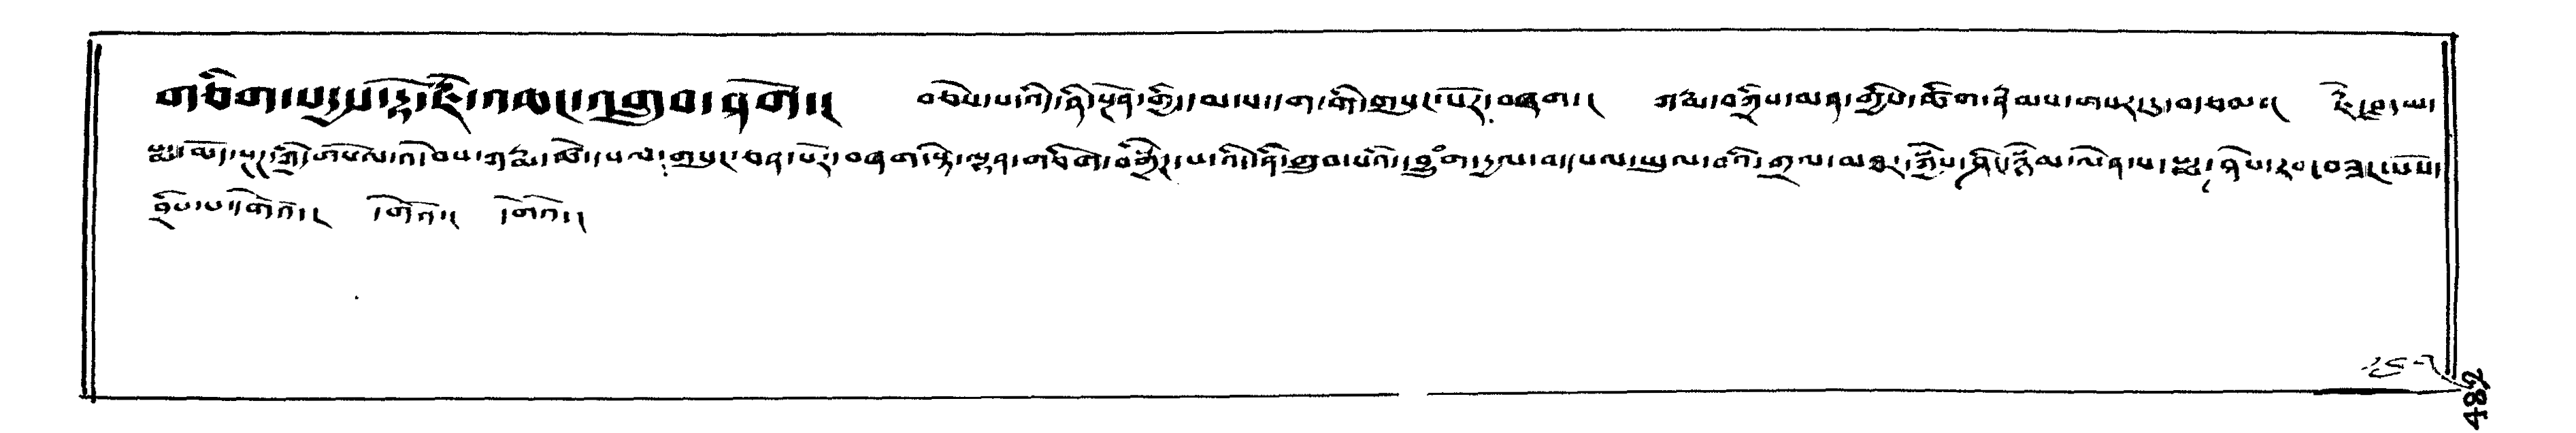གཅིག་སངས་རྒྱས་རྡོ་རྗེ་འཆང་འགྲུབ་ཤོག །ཅེས་པ་འདི་ནི་སྔོན་གྱི་དམ་པ་དག་གི་གསུང་སོར་བཞག ཀརྨ་བཀྲ་ཤིས་མན་གྱིས་ཚིག་རྣམས་གསར་དུ་བརྩམ། །རྗེ་བླ་མ་
པདྨ་མདོ་སྔགས་ཀྱི་གསོལ་འདེབས་ཀརྨ་ཚེ་དཔལ་གསུང་སོར་བཞག་སྟེ་ལྷན་གཅིག་བསྒྲིགས་པ་འདི་ནི་གྲུབ་པའི་དབང་ཕྱུག་རྒྱལ་བ་དཔལ་ཡུལ་བའི་གྲལ་མཐར་སྐྱེས་ཤིང་སྙོམ་ལས་པ་པདྨ་ཤེས་རབ་བཟང་པོས་
བྲིས་པ་དགེའོ།། །དགེའོ།། དགེའོ།།